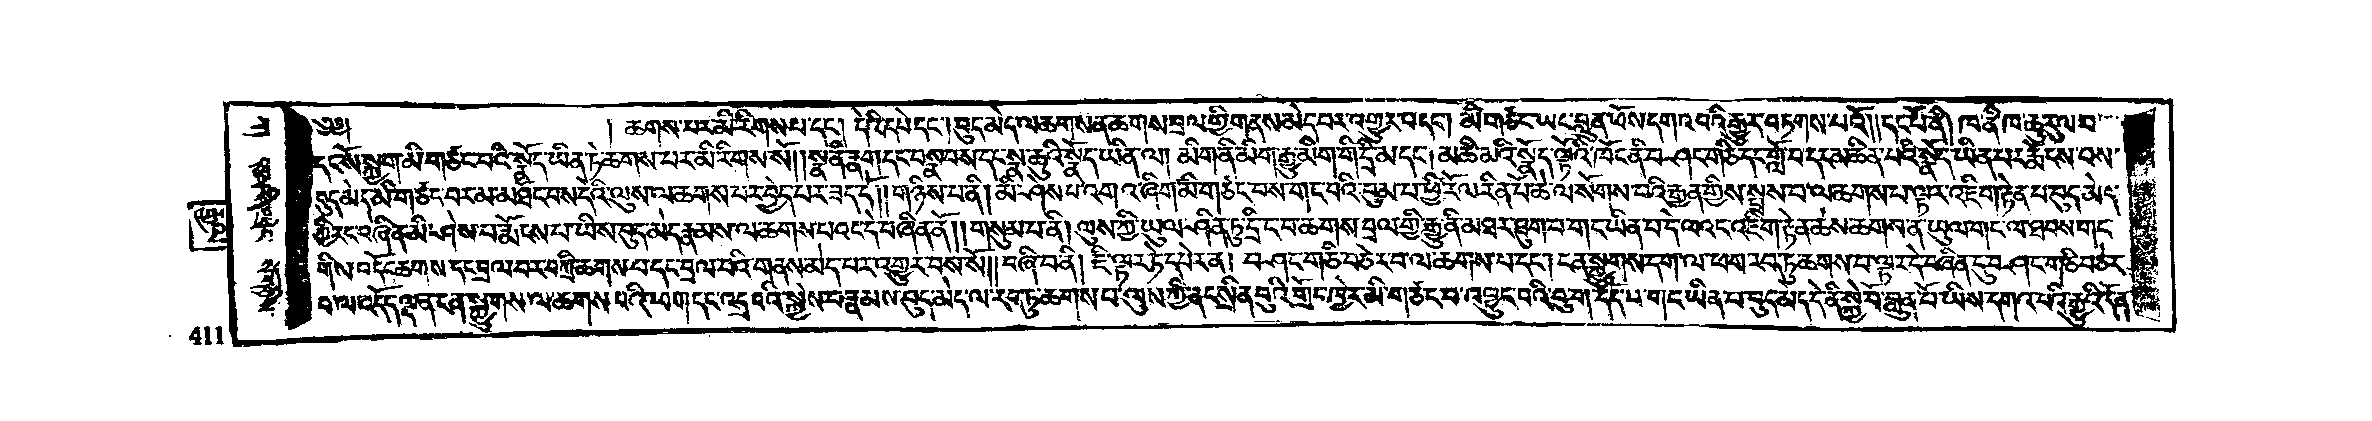༄༅། །ཆགས་པར་མི་རིགས་པ་དང་། དེའི་དཔེ་དང་། བུད་མེད་ལ་ཆགས་ན་ཆགས་བྲལ་གྱི་གནས་མེད་པར་འགྱུར་བ་དང་། མི་གཙང་ཡང་བླུན་ཕོས་དགའ་བའི་རྒྱུར་བཏགས་པའོ། །དང་པོ་ནི། ཁ་ནི་ཁ་ཆུ་རུལ་བ་
དང་སོ་སྐྱག་མི་གཙང་བའི་སྣོད་ཡིན་ཏེ་ཆགས་པར་མི་རིགས་སོ། །སྣ་ནི་རྣག་དང་བསྣབས་དང་སྣ་ཆུའི་སྣོད་ཡིན་ལ། མིག་ནི་མིག་རྒྱུ་མིག་གི་དྲི་མ་དང་། མཆི་མའི་སྣོད་ལྟོའི་ཁོང་ནི་བཤད་གཅི་དང་གློ་བ་དང་མཆིན་པའི་སྣོད་ཡིན་པར་རྨོངས་པས་
བུད་མེད་མི་གཙང་བར་མ་མཐོང་བས་དེའི་ལུས་ལ་ཆགས་པར་བྱེད་པར་ཟད་དོ། །གཉིས་པ་ནི། མི་ཤེས་པ་འགའ་ཞིག་མི་གཙང་བས་གང་བའི་བུམ་པ་ཕྱི་རོལ་རིན་པོ་ཆེ་ལ་སོགས་པའི་རྒྱན་གྱིས་སྤྲས་པ་ལ་ཆགས་པ་ལྟར་འཇིག་རྟེན་པ་བུད་མེད་
ཀྱི་རང་བཞིན་མི་ཤེས་པ་རྨོངས་པ་ཡིས་བུད་མེད་རྣམས་ལ་ཆགས་པའང་དེ་བཞིན་ནོ། །གསུམ་པ་ནི། ལུས་ཀྱི་ཡུལ་ཤིན་ཏུ་དྲི་ང་བ་ཆགས་བྲལ་གྱི་རྒྱུ་ནི་མཐར་ཐུག་པ་གང་ཡིན་པ་དེ་ལའང་འཇིག་རྟེན་ཆེས་ཆགས་ན་ཡུལ་གང་ལ་ཐབས་གང་
གིས་འདོད་ཆགས་དང་བྲལ་བར་བཀྲི་ཆགས་པ་དང་བྲལ་བའི་གནས་མེད་པར་འགྱུར་བས་སོ། །བཞི་པ་ནི། ཇི་ལྟར་ཏེ་དཔེར་ན། བཤད་གཅི་བཅེར་བ་ལ་ཆགས་པ་དང་། ངན་སྐྱུགས་དག་ལ་ཕག་རབ་ཏུ་ཆགས་པ་ལྟར་དེ་བཞིན་དུ་བཤད་གཅི་བཅེར་
བ་ལ་འདོད་ལྡན་ངན་སྐྱུགས་ལ་ཆགས་པའི་ཕག་དང་འདྲ་བའི་སྐྱེས་བ་རྣམས་བུད་མེད་ལ་རབ་ཏུ་ཆགས་པ་ལུས་ཀྱི་ནང་སྲིན་བུའི་གྲོང་ཁྱེར་མི་གཙང་བ་འབྱུང་བའི་བུ་ག་དོད་པ་གང་ཡིན་པ་བུད་མེད་དེ་ནི་སྐྱེ་བོ་བླུན་པོ་ཡིས་དགའ་བའི་རྒྱུའི་དོན་